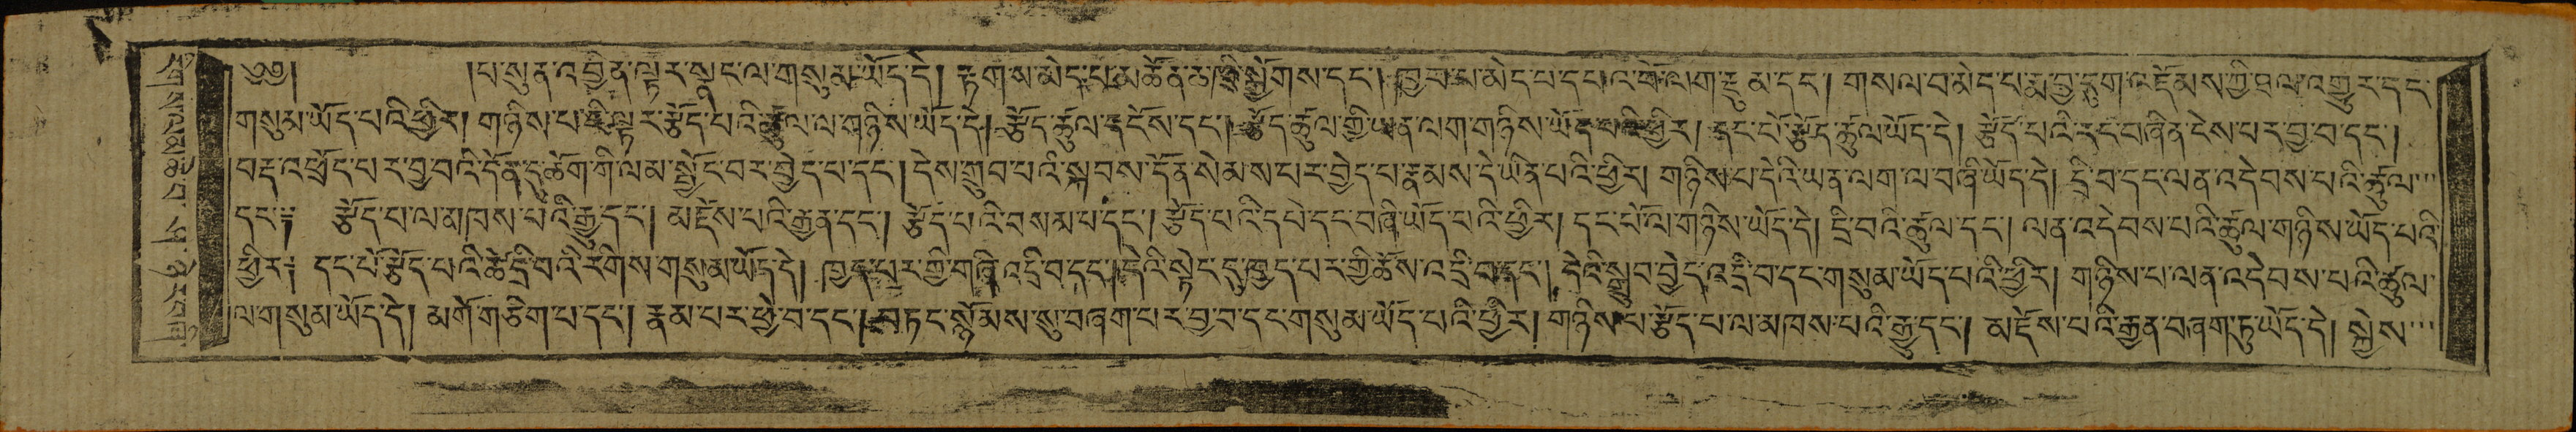༄༅། །པ་སུན་འབྱིན་ལྟར་སྣང་ལ་གསུམ་ཡོད་དེ། རྟགས་མེད་པ་མཚོན་ཆ་ཁྲི་སྦྱོགས་དང་། ཁྱབ་པ་མེད་པ་དཔའ་པོ་ལག་རྡུམ་དང་། གསལ་བ་མེད་པ་རྨ་བྱ་དུག་འཇོམས་ཀྱི་ཐལ་འགྱུར་དང་
གསུམ་ཡོད་པའི་ཕྱིར། གཉིས་པ་ཇི་ལྟར་རྩོད་པའི་ཚུལ་ལ་གཉིས་ཡོད་དེ། རྩོད་ཚུལ་དངོས་དང་། རྩོད་ཚུལ་གྱི་ཡན་ལག་གཉིས་ཡོད་པའི་ཕྱིར། ?་ལོ་རྩོད་ཚུལ་ཡོད་དེ། རྩོད་པའི་རང་བཞིན་རྗེས་པར་བྱ་བ་དང་།
བརྡ་འཕྲོད་པར་བྱ་བའི་དོན་དུ་ཆོག་གི་ལམ་སྦྱོང་བར་བྱེད་པ་དང་། དེས་གྲུབ་པའི་སྐབས་དོན་སེམས་པར་བྱེད་པ་རྣམས་དེ་ཡིན་པའི་ཕྱིར། གཉིས་པ་དེའི་ཡན་ལག་ལ་བཞི་ཡོད་དེ། དྲི་བ་དང་ལན་འདེབས་པའི་ཚུལ་
དང༑ རྩོད་པ་ལ་མཁས་པའི་རྒྱུ་དང་། མཛོས་པའི་རྒྱན་དང་། རྩོད་པའི་བསམ་པ་དང་། རྩོད་པའི་དཔེ་དང་བཞི་ཡོད་པའི་ཕྱིར། དང་པོ་ལ་གཉིས་ཡོད་དེ། དྲི་པའི་ཚུལ་དང་། ལན་འདེབས་པའི་ཚུལ་གཉིས་ཡོད་པའི་
ཕྱིར༑ དང་པོ་རྩོད་པའི་ཚེ་དྲི་བའི་རིགས་གསུམ་ཡོད་དེ། ཁྱད་པར་གྱི་གཞི་འདྲི་བ་དང་། དེའི་སྟེང་དུ་ཁྱད་པར་གྱི་ཆོས་འདྲི་བ་དང་། དེའི་སྒྲུབ་བྱེད་འདྲི་བ་དང་གསུམ་ཡོད་པའི་ཕྱིར། གཉིས་པ་ལན་འདེབས་པའི་ཚུལ་
ལ་གསུམ་ཡོད་དེ། མགོ་གཅིག་པ་དང་། རྣམ་པར་ཕྱེ་བ་དང་། བཏང་སྙོམས་སུ་བཞག་པར་བྱ་བ་དང་གསུམ་ཡོད་པའི་ཕྱིར། གཉིས་པ་རྩོད་པ་ལ་མཁས་པའི་རྒྱུ་དང་། མཛོས་པའི་རྒྱན་བཞག་ཏུ་ཡོད་དེ། སྐྱེས་